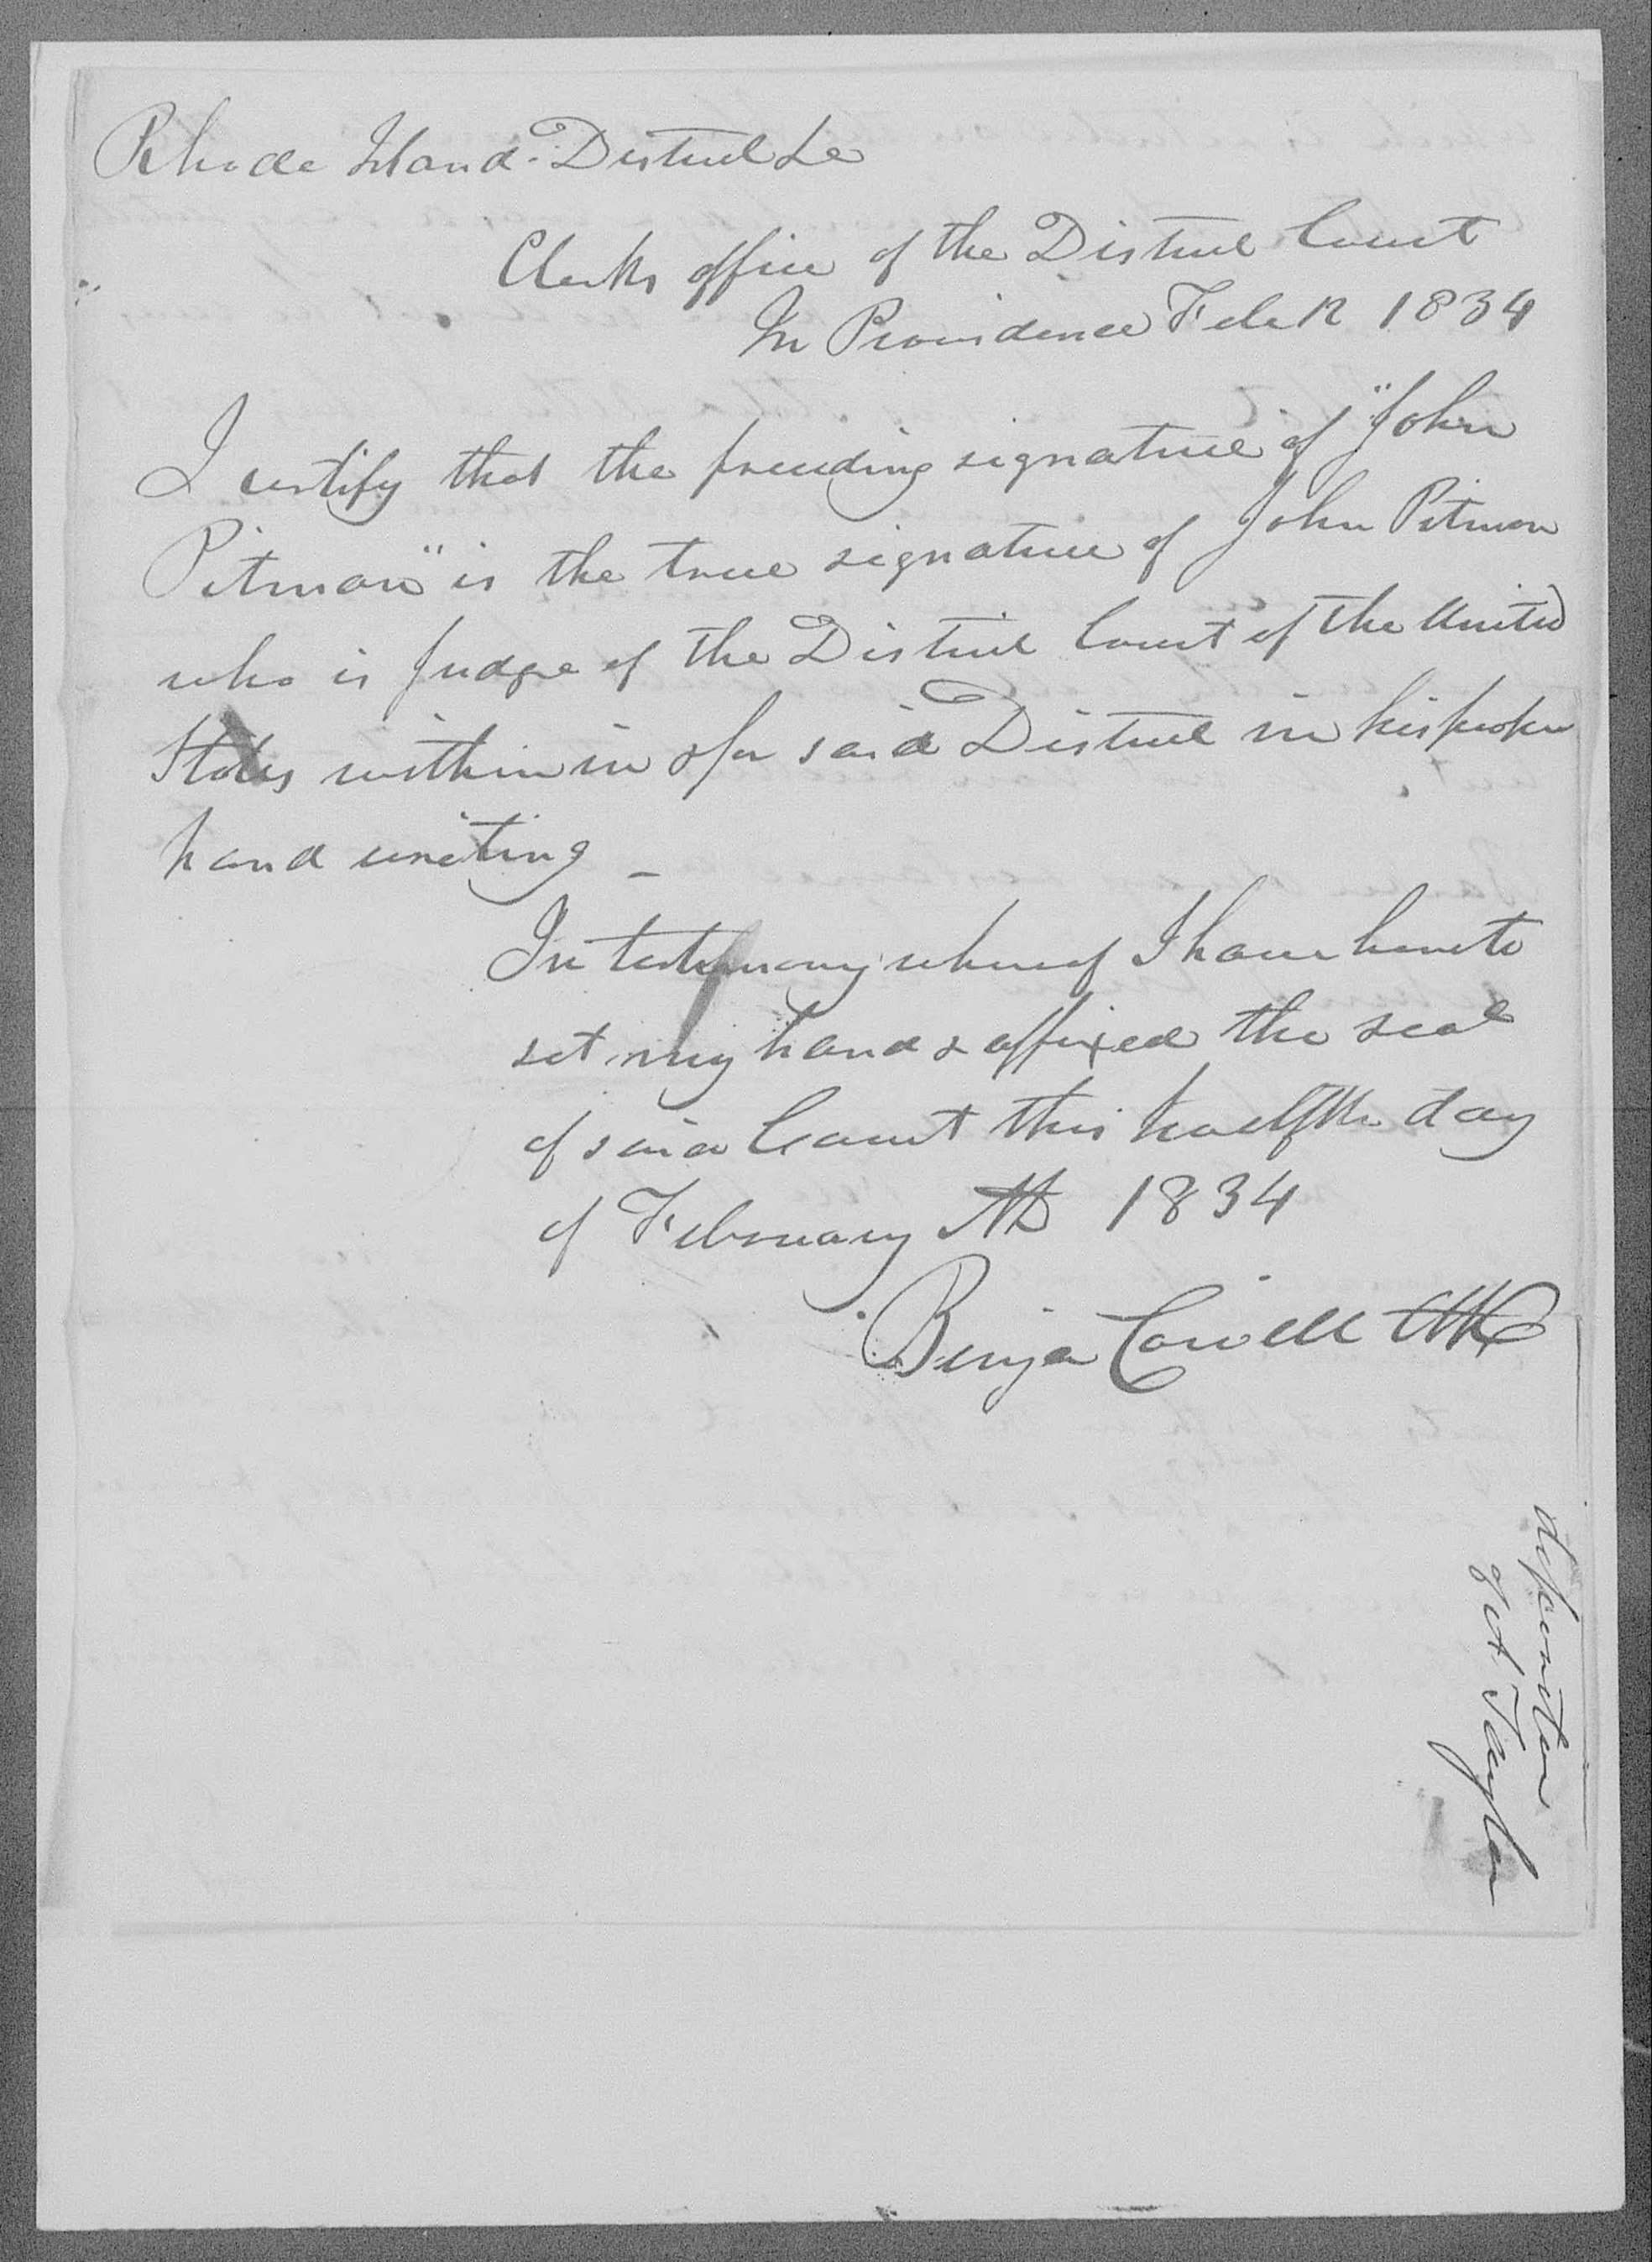Rhode Island District se
Clerks office of the District Court
In Providence Feb 12 1834
I certify that the preceding signature of John
Pitman is the true signature of John Pitman
who is Judge of the District Court of the United
States within and for said District in his proper
handwriting.
In testimony whereof I have hereto
set my hand & affixed the seal
of said Court this twelfth day of
February AD 1834
Benja Cowell Clk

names: John Pitman, Benja Cowell, John Pitman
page: 41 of 52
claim: widow's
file: W. 18,565, Hezekiah Barker, Continental R.I.